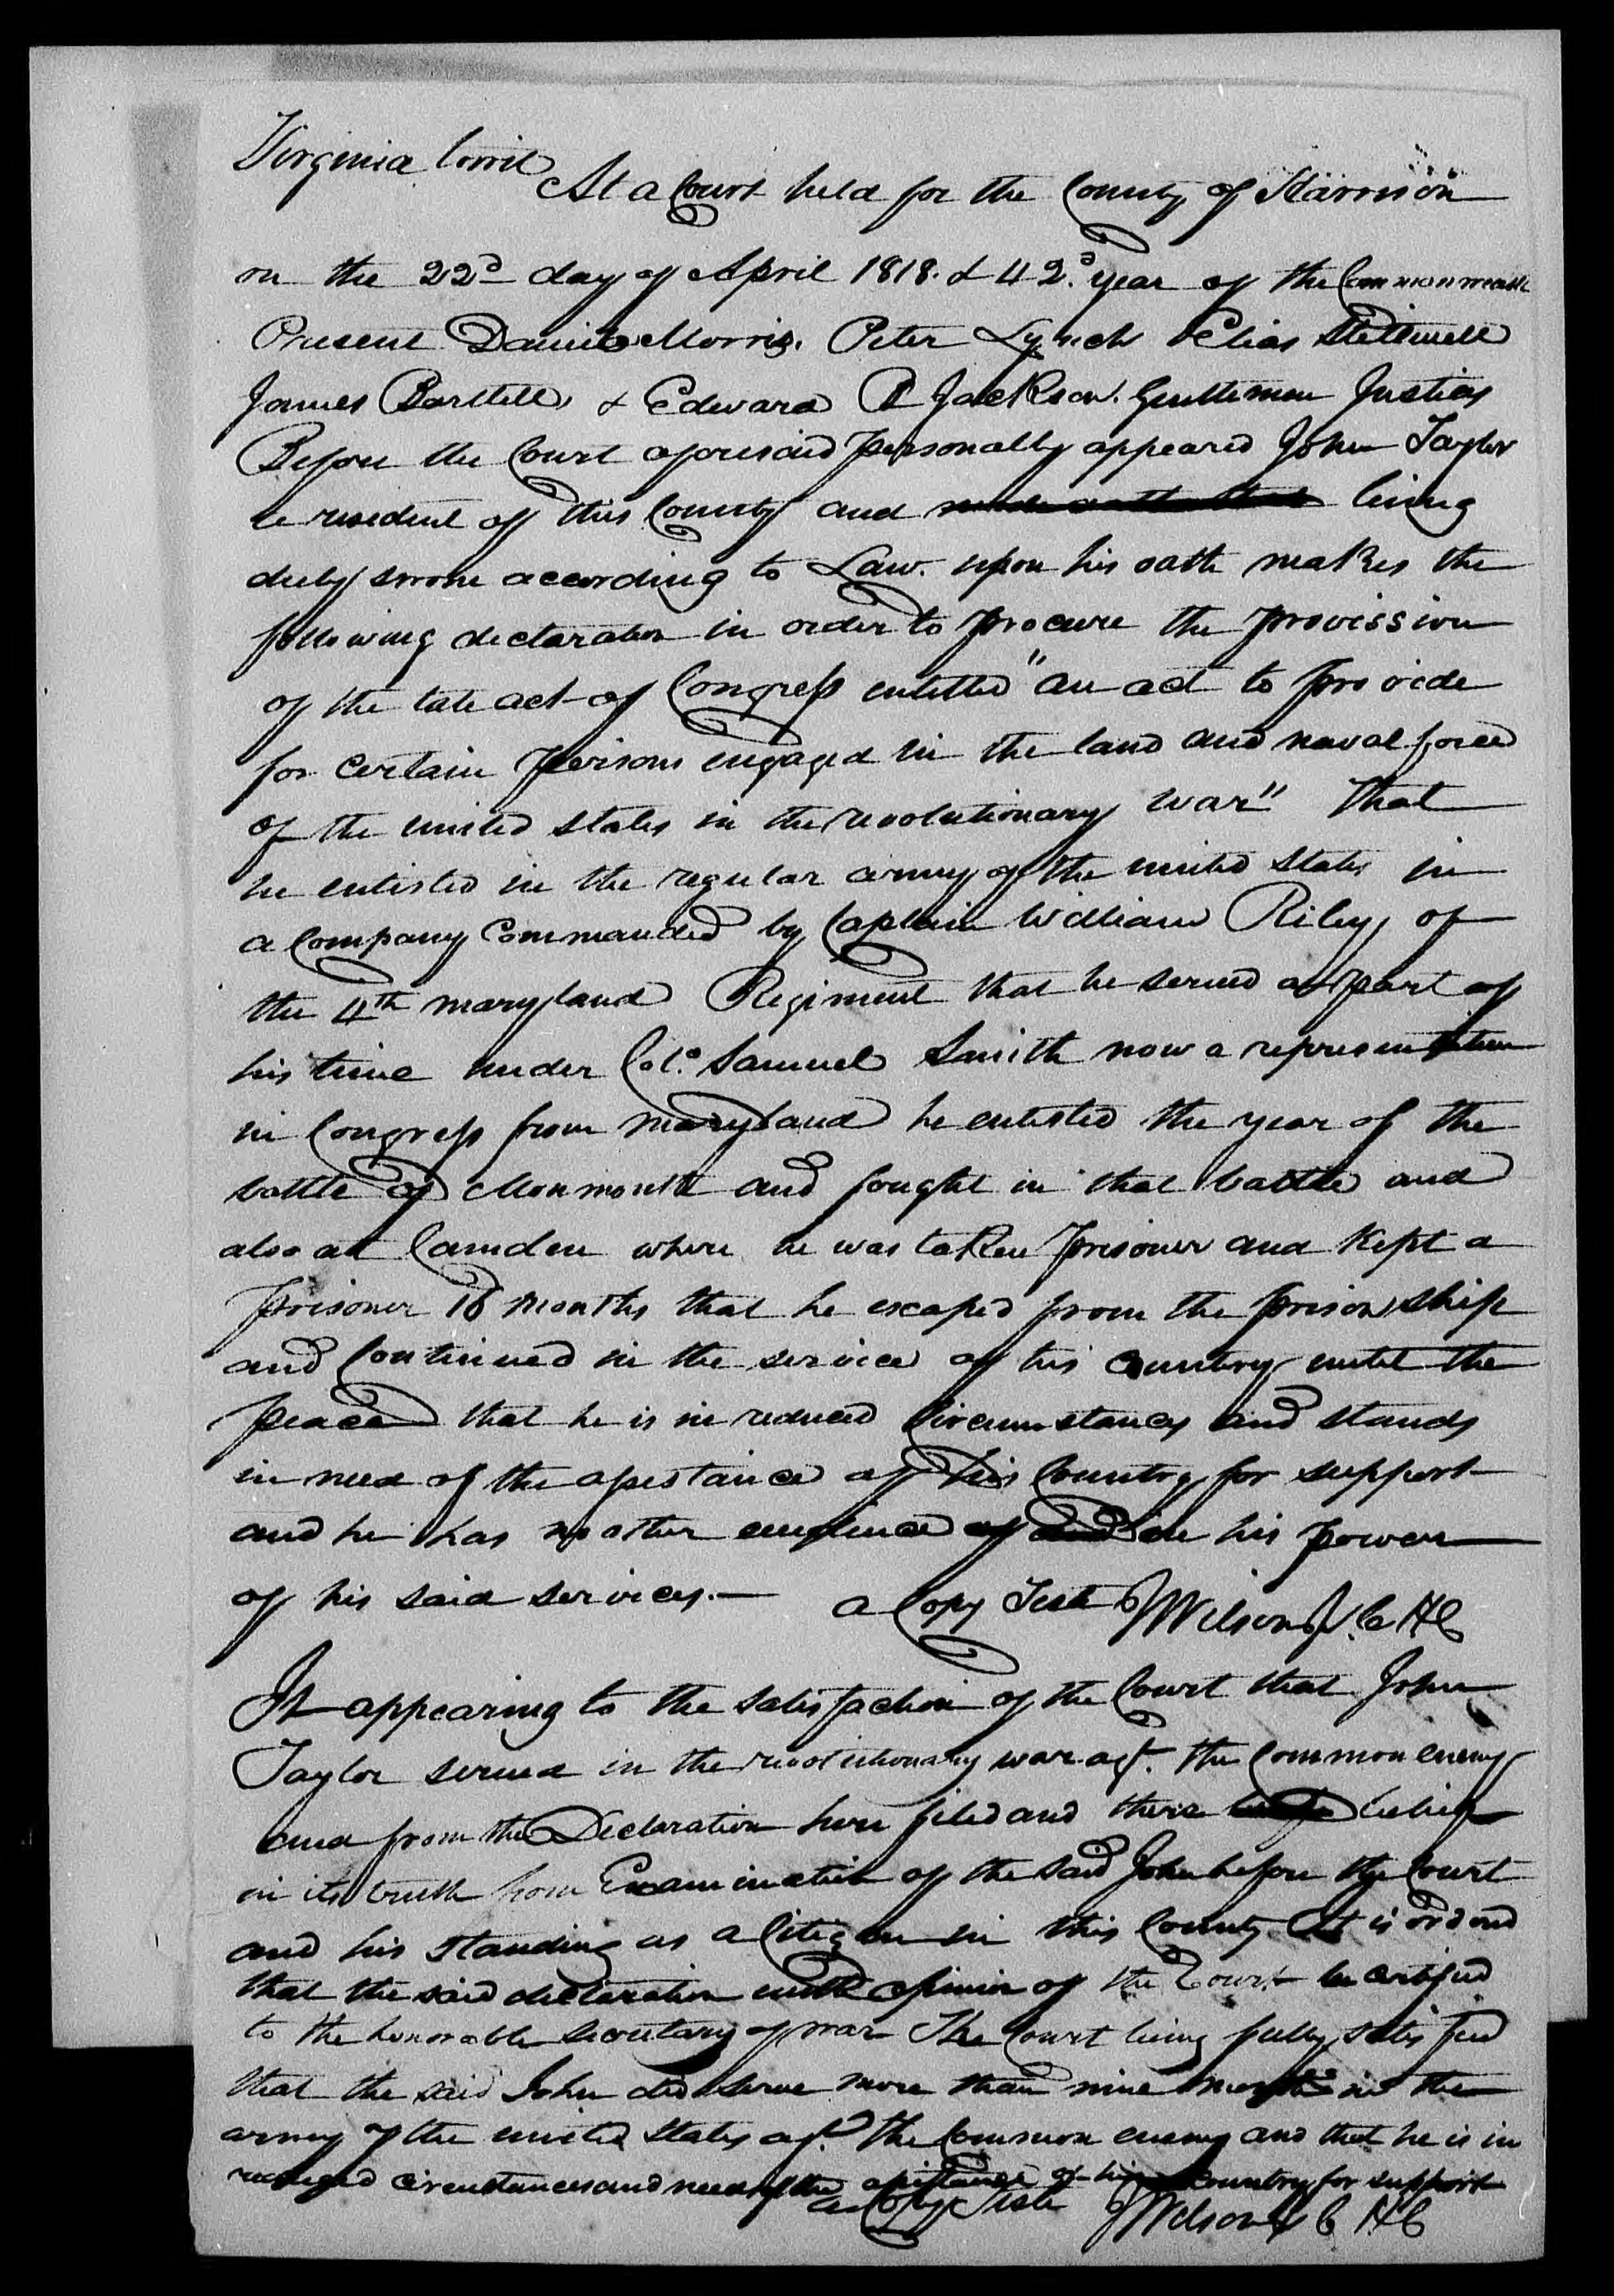Virginia Court  At a Court held for the County of Harrison 
on the 22d day of April 1818 & 42d. year of the Commonwealth
Present David Morris, Peter Lynch Elias Stillwell 
James Bartlett & Edward A Jackson, Gentleman Justices
Before the Court aforesaid personally appeared John Taylor 
a resident of this County and [struck out: made oath that] being 
duly sworn according to law, upon his oath makes the 
following declaration in order to procure the provission [provision] 
of the act of Congress entitled "an act to provide 
for certain persons engaged in the land and naval force 
of the United States in the revolutionary war"  That 
he enlisted in the regular army of the United States in 
a company commanded by Captain William Riley of 
the 4th Maryland Regiment that he served a part of 
his time under Colo. Samuel Smith now a representative 
in Congress from Maryland he enlisted the year of the 
battle of Monmouth and fought in that battle and 
also at Camden where he was taken prisoner and kept a 
prisoner 16 months that he escaped from the prison ship 
and continued in the service of his country until the 
peace that he is in reduced circumstances and stands 
in need of the assistance of his country for support 
and he has no other evidence of and in his power 
of his said services.  A Copy Test JWilsonJr CHC

It appearing to the satisfaction of the Court that John 
Taylor served in the revolution war agt. the common enemy 
and from the Declaration here filed and there [their] belief 
in its truth from examination of the said John before the Court 
and his standing as a citizen in this County It is ordered 
that the said declaration with opinion of the Court be certified 
to the honorable Secretary of War  The Court being fully satisfied 
that the said John did serve more than nine months in the 
army of the United States agt. the common enemy and that he is in 
reduced circumstances and need of the assistance of his country for support
A copy Test JWilsonJr CHC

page: 4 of 18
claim: survivor's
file: S. 37,483, for John Taylor, Maryland